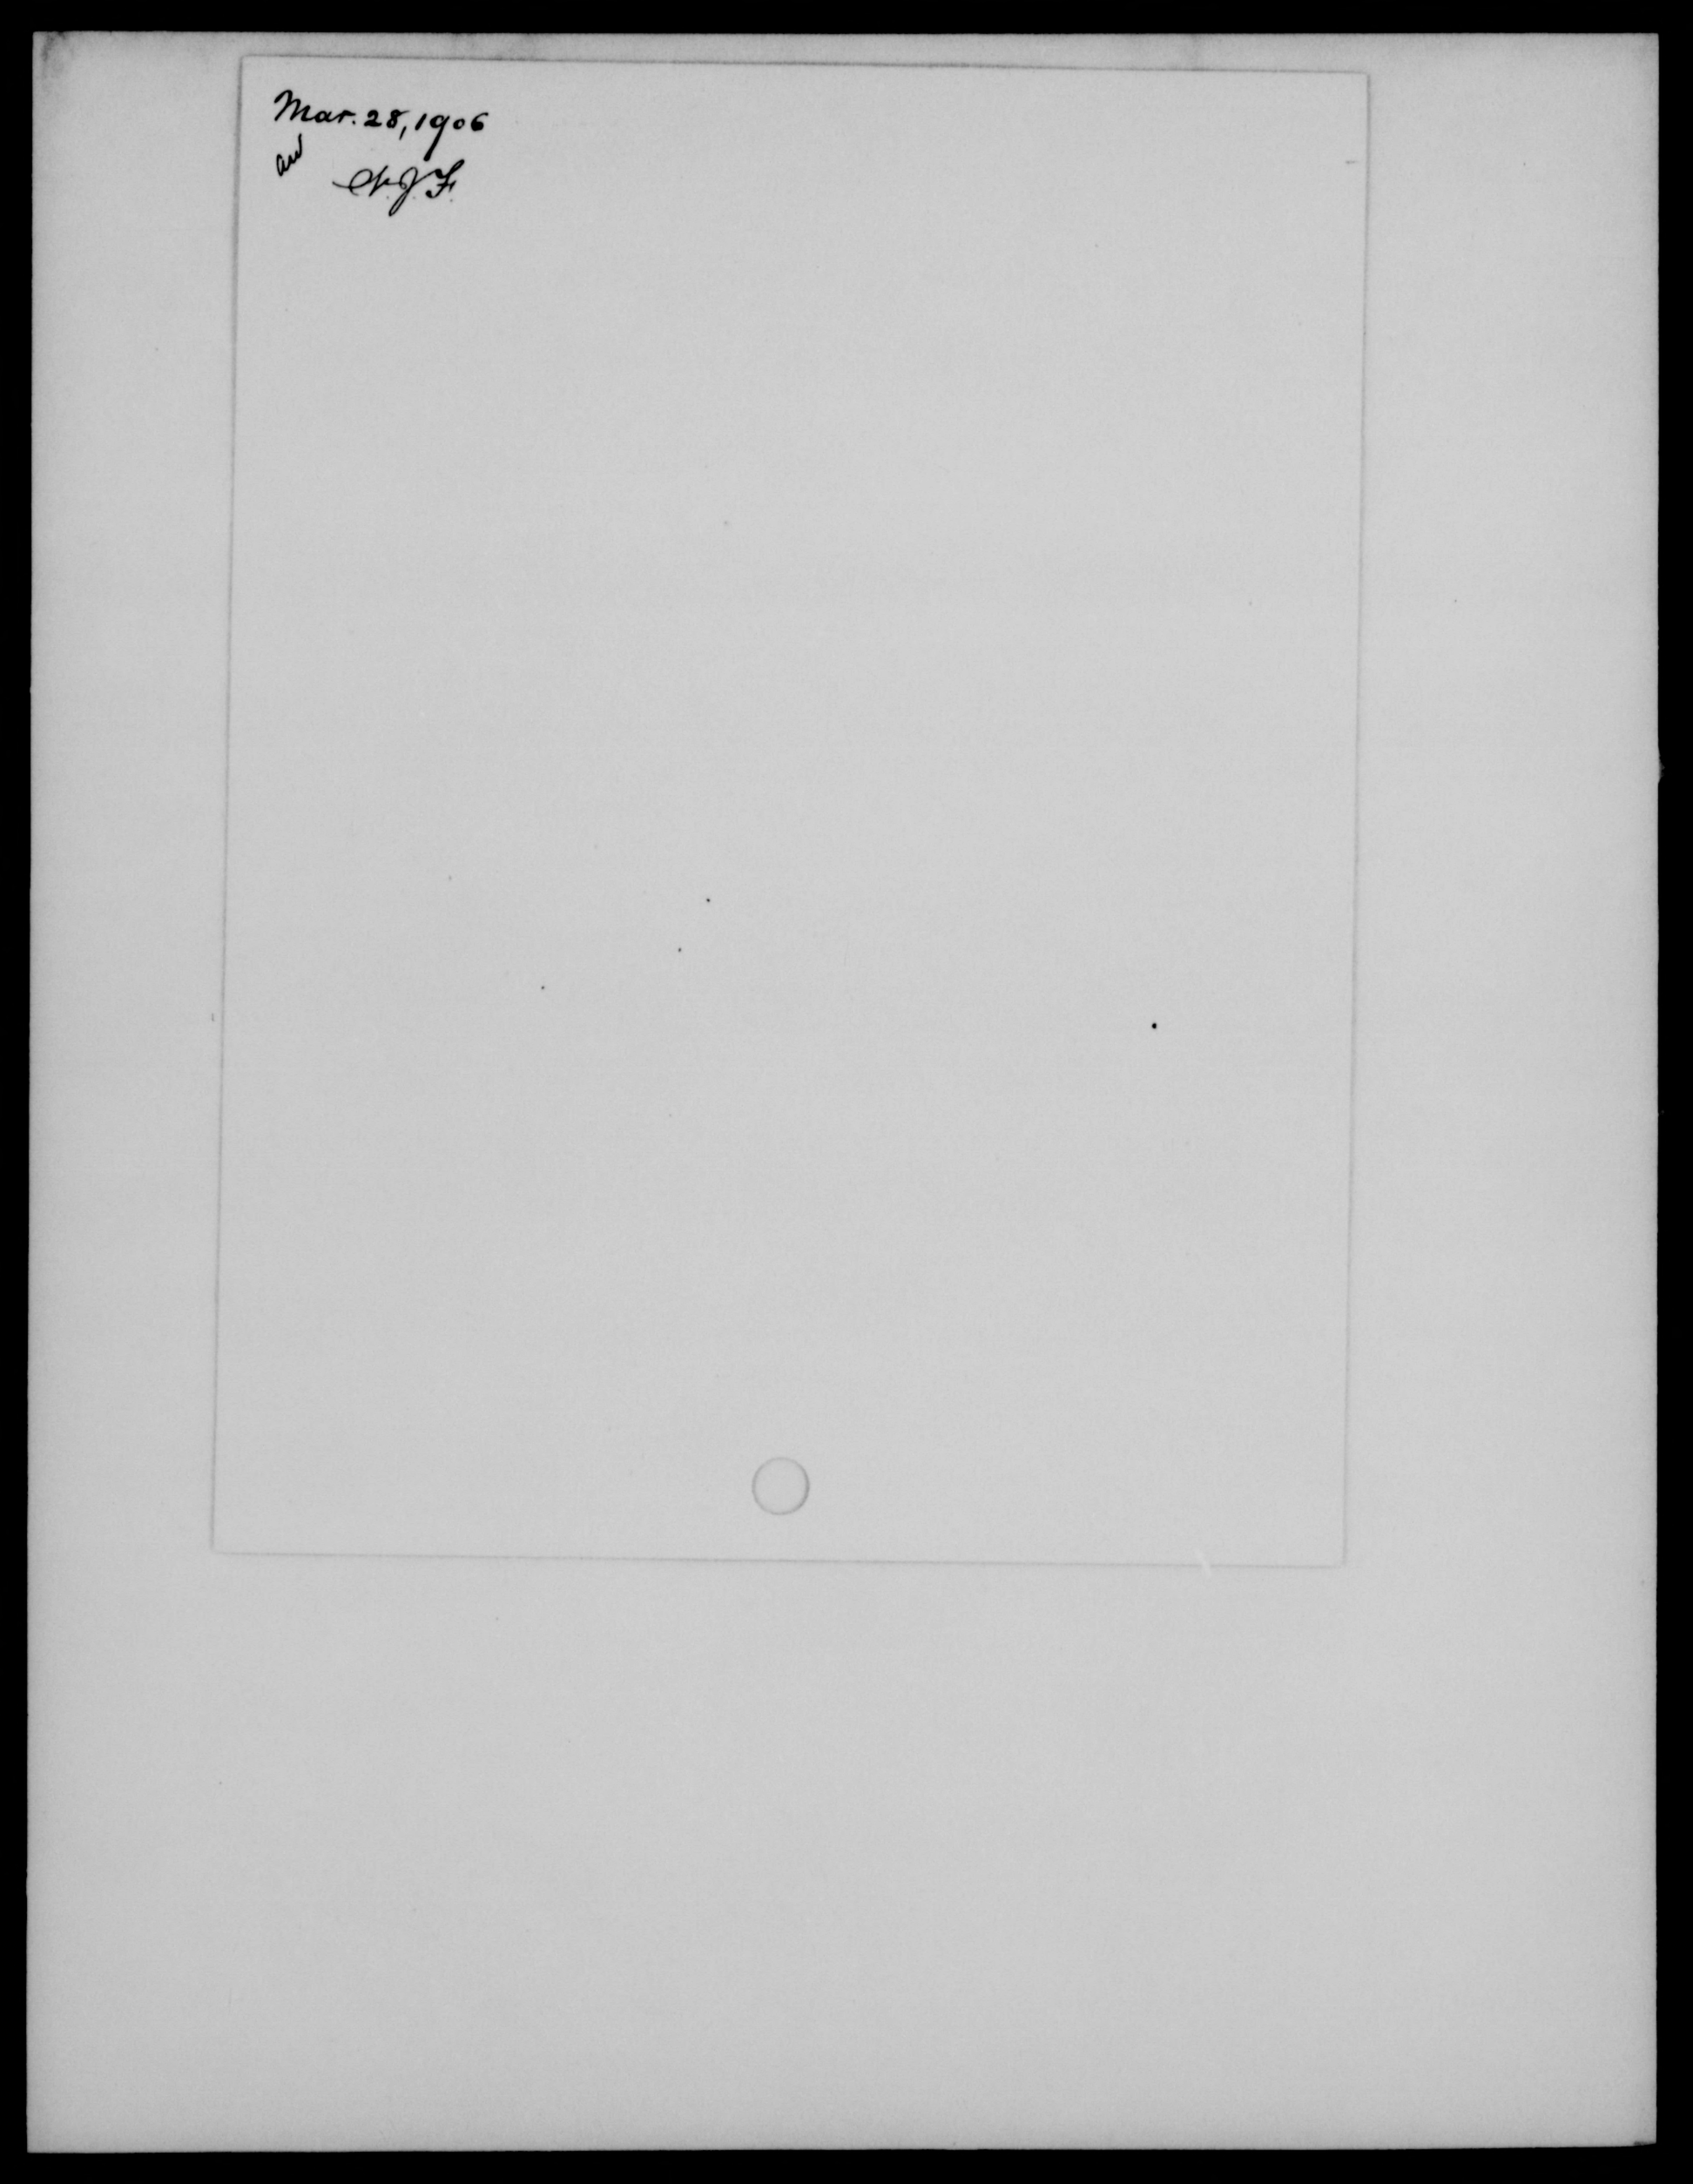Mar. 28, 1906
aw

W. J. F.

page: 2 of 5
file: [BLANK], Toney Turney, Conn.